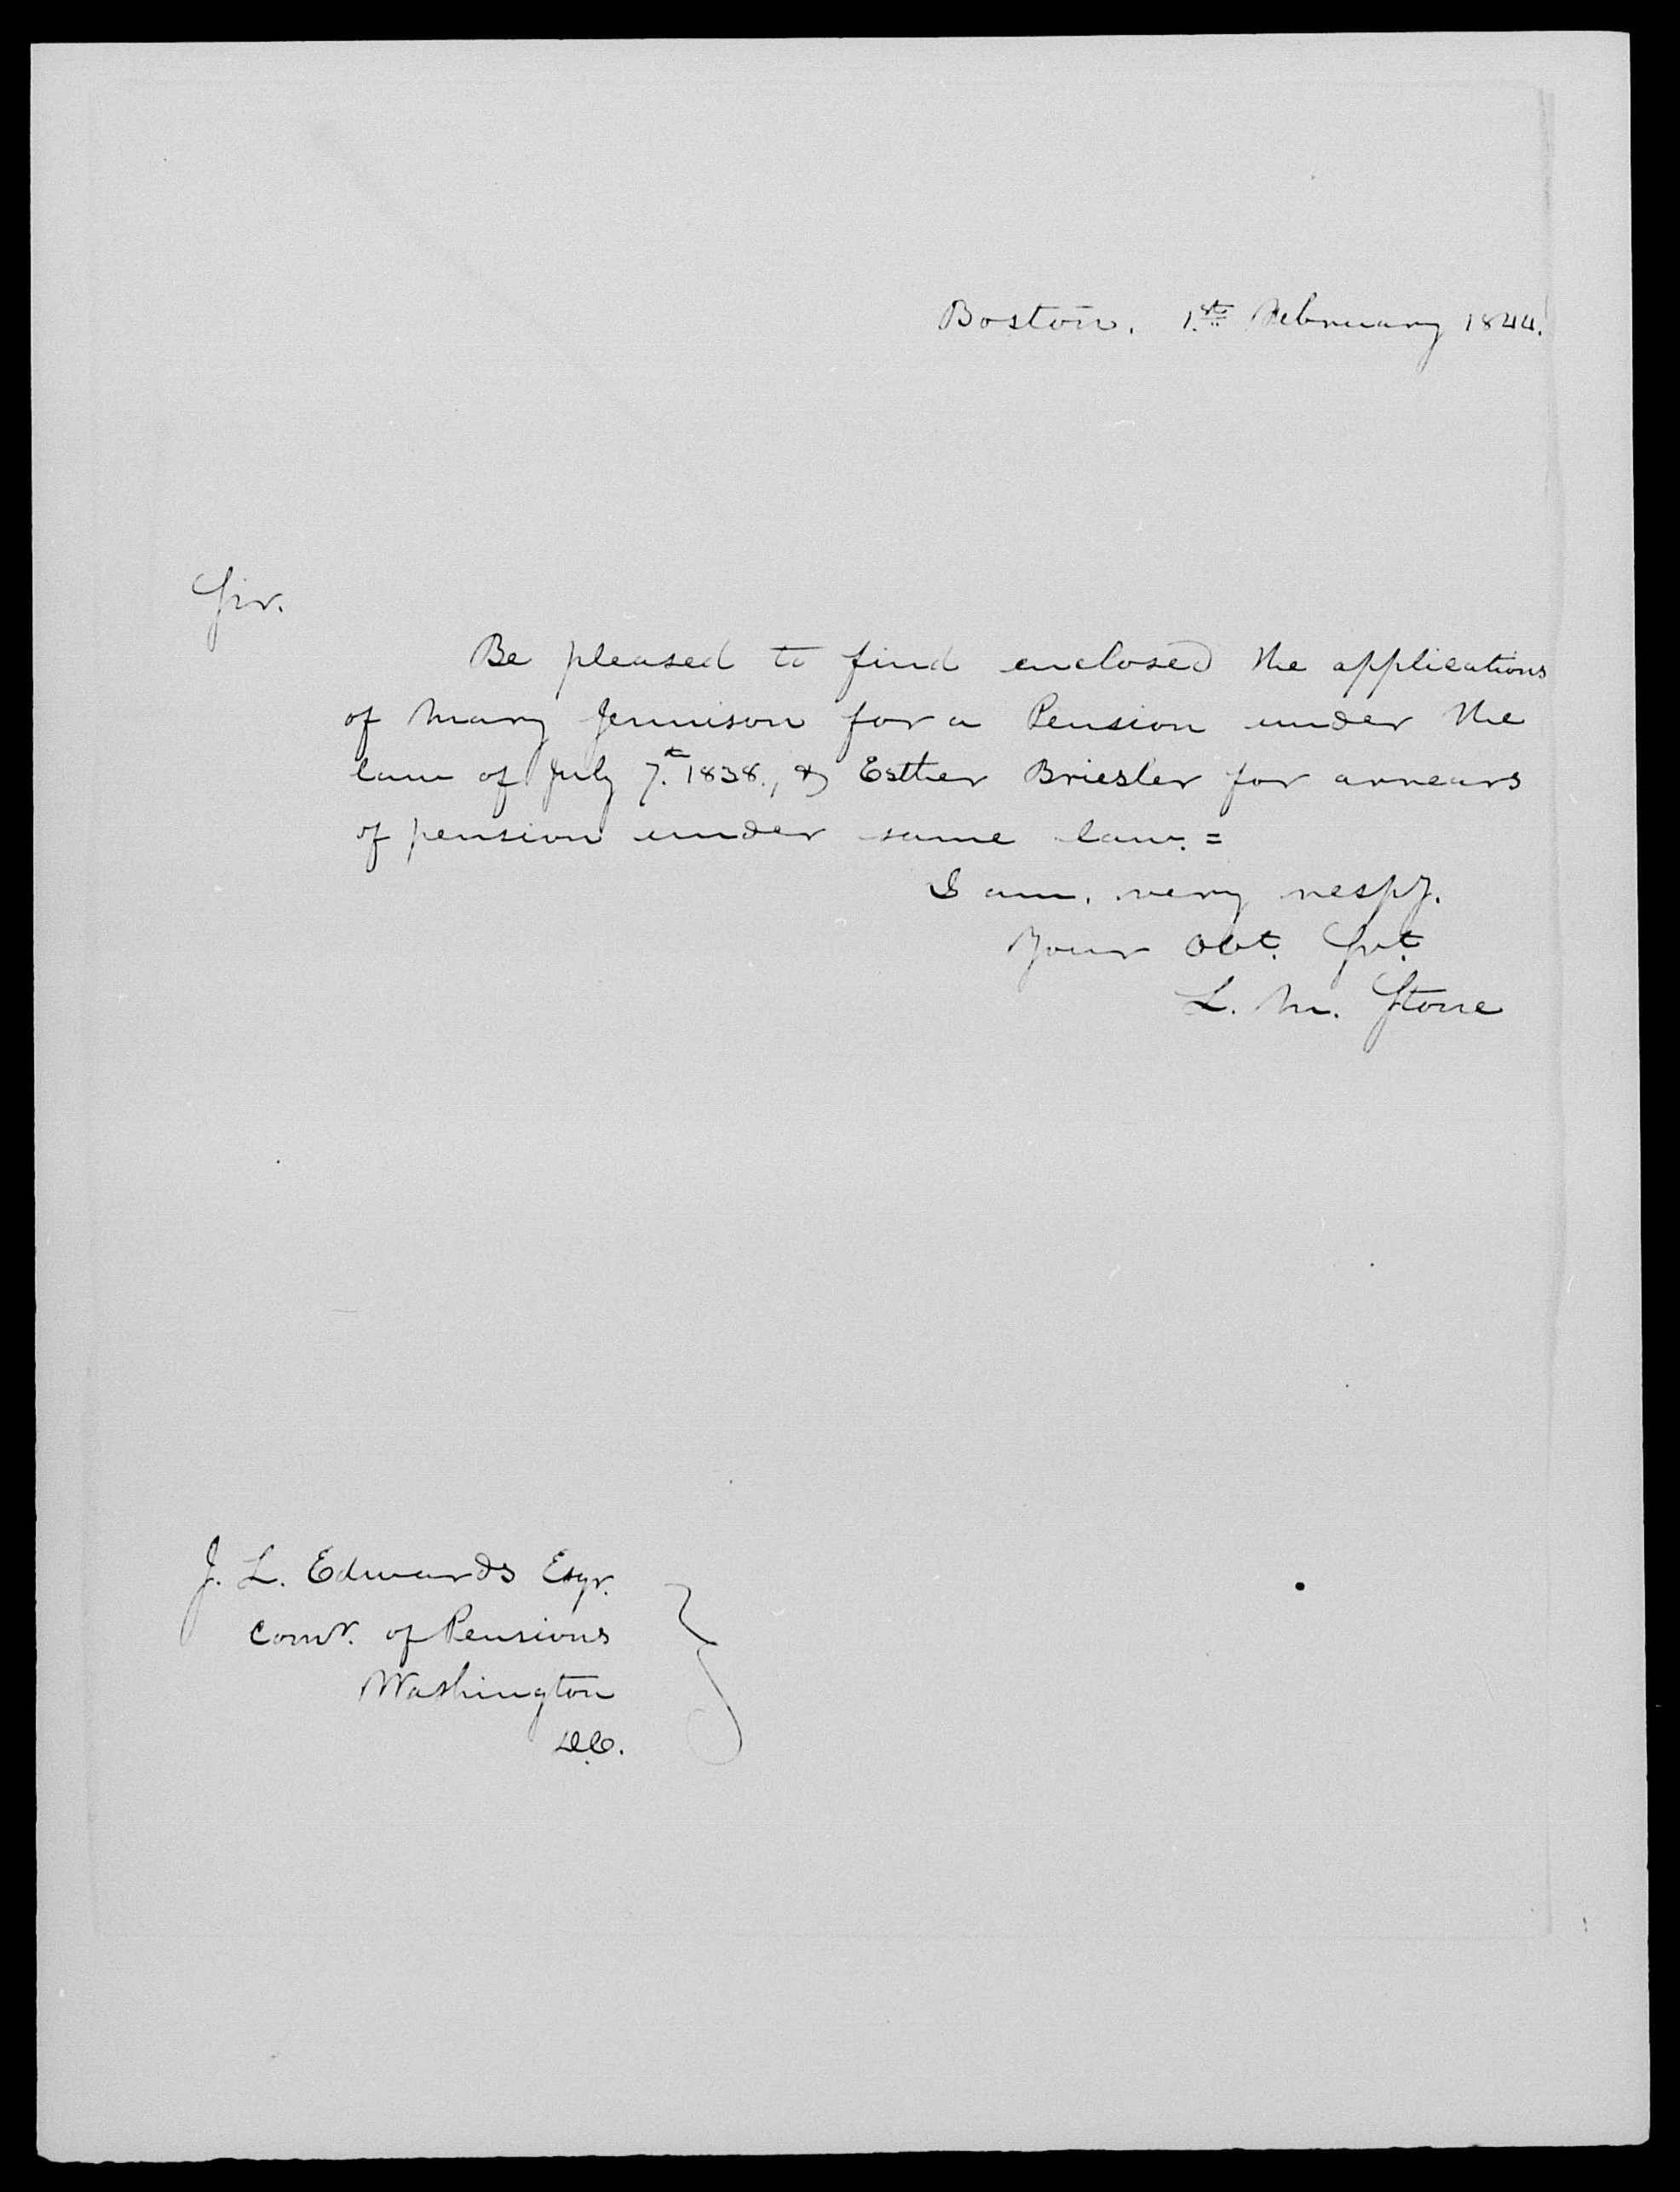Boston. 1st February 1844.
Sir. 
Be pleased to find enclosed the applications of Mary Jennison for a Pension under the law of July 7th,1838., &  Esther Briesler for arrears of pension under same law. =
I  am, very respfy.
Your Obt. Svt. L. M. Stone 

J. L. Edwards, Esqr.
Comm of Pensions 
Washington D.C.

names: J L Edwards, L M Stone, Esther Briesler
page: 33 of 46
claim: widow's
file: W. 23,673, John Brisler, Mass.